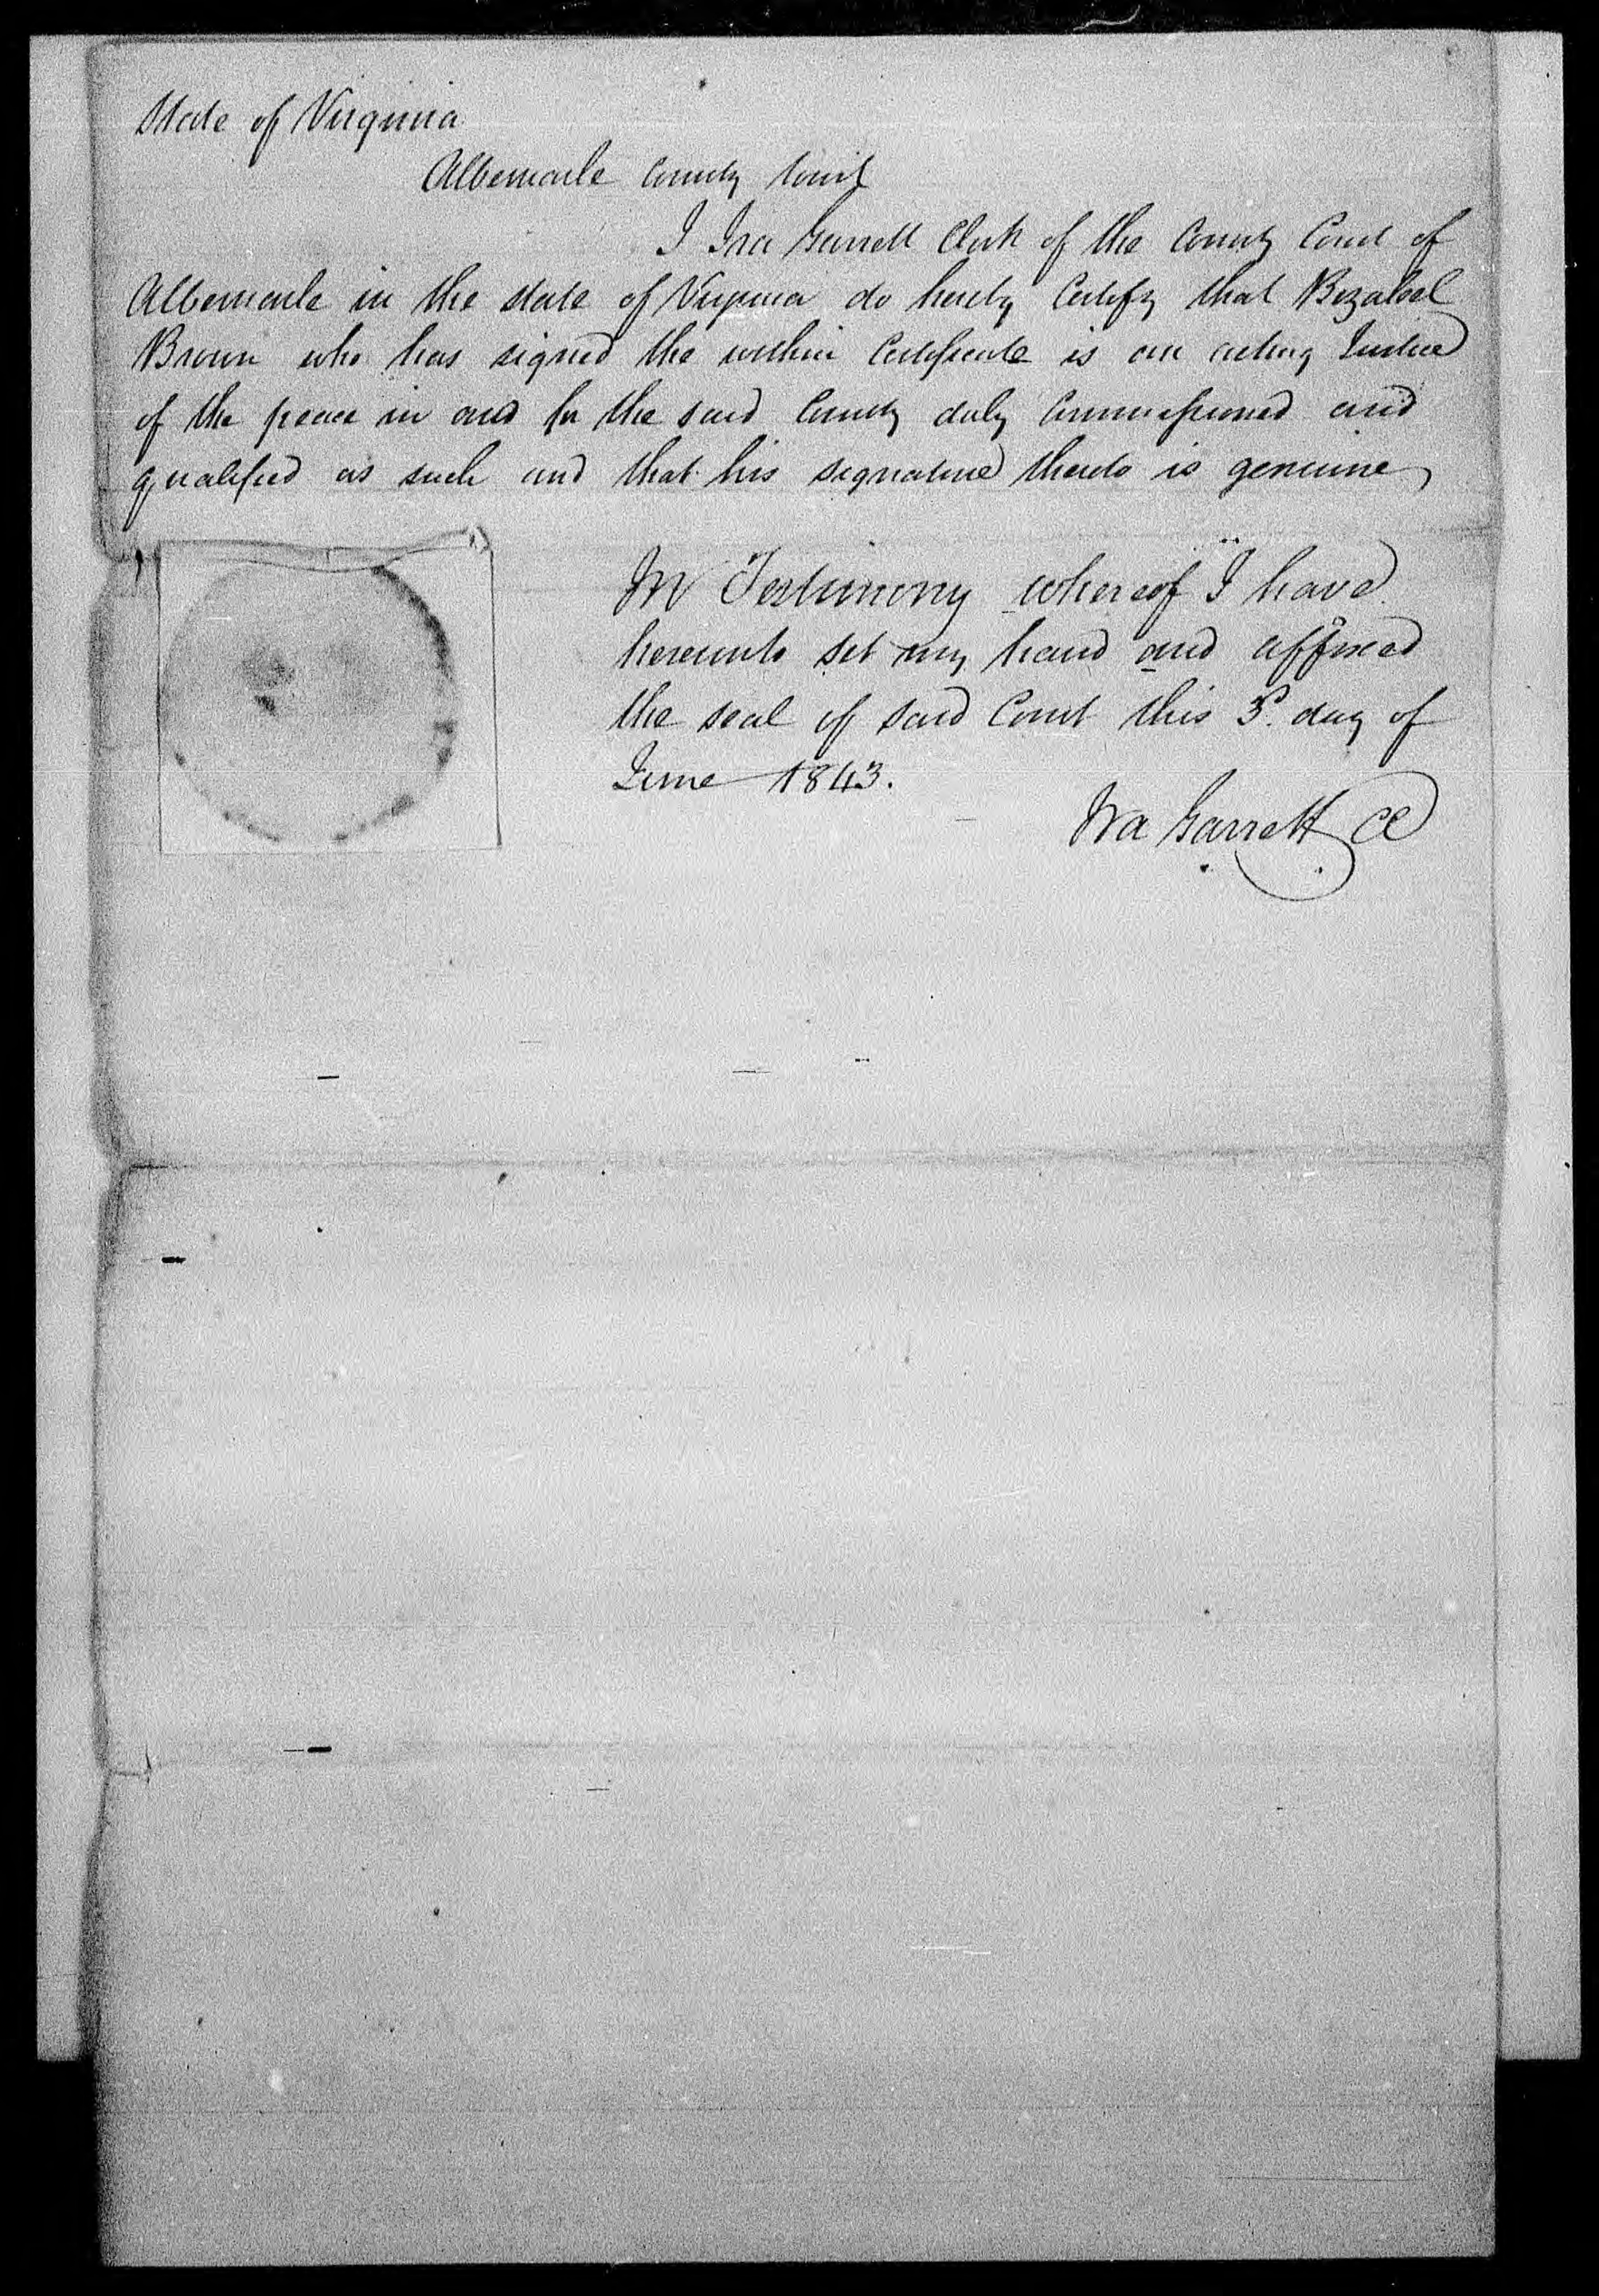State of Virginia
Albermarle County Court
   I Ira Garrell Clerk of the County Court of
Albermarle in the State of Virginia do hereby Certify that Bezaleel
Brown who has signed the within Certificate is an acting Justice 
of the peace in and for the said County duly Commissioned and
qualified as such and that his signature thereto is genuine
In Testimony whereof I have
herewith set my hand and affixed
the seal of said Court this 3rd day of
June 1843.
Ira Garrett CC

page: 27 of 28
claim: widow's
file: W. 5112, for Samuel Jamieson, Virginia